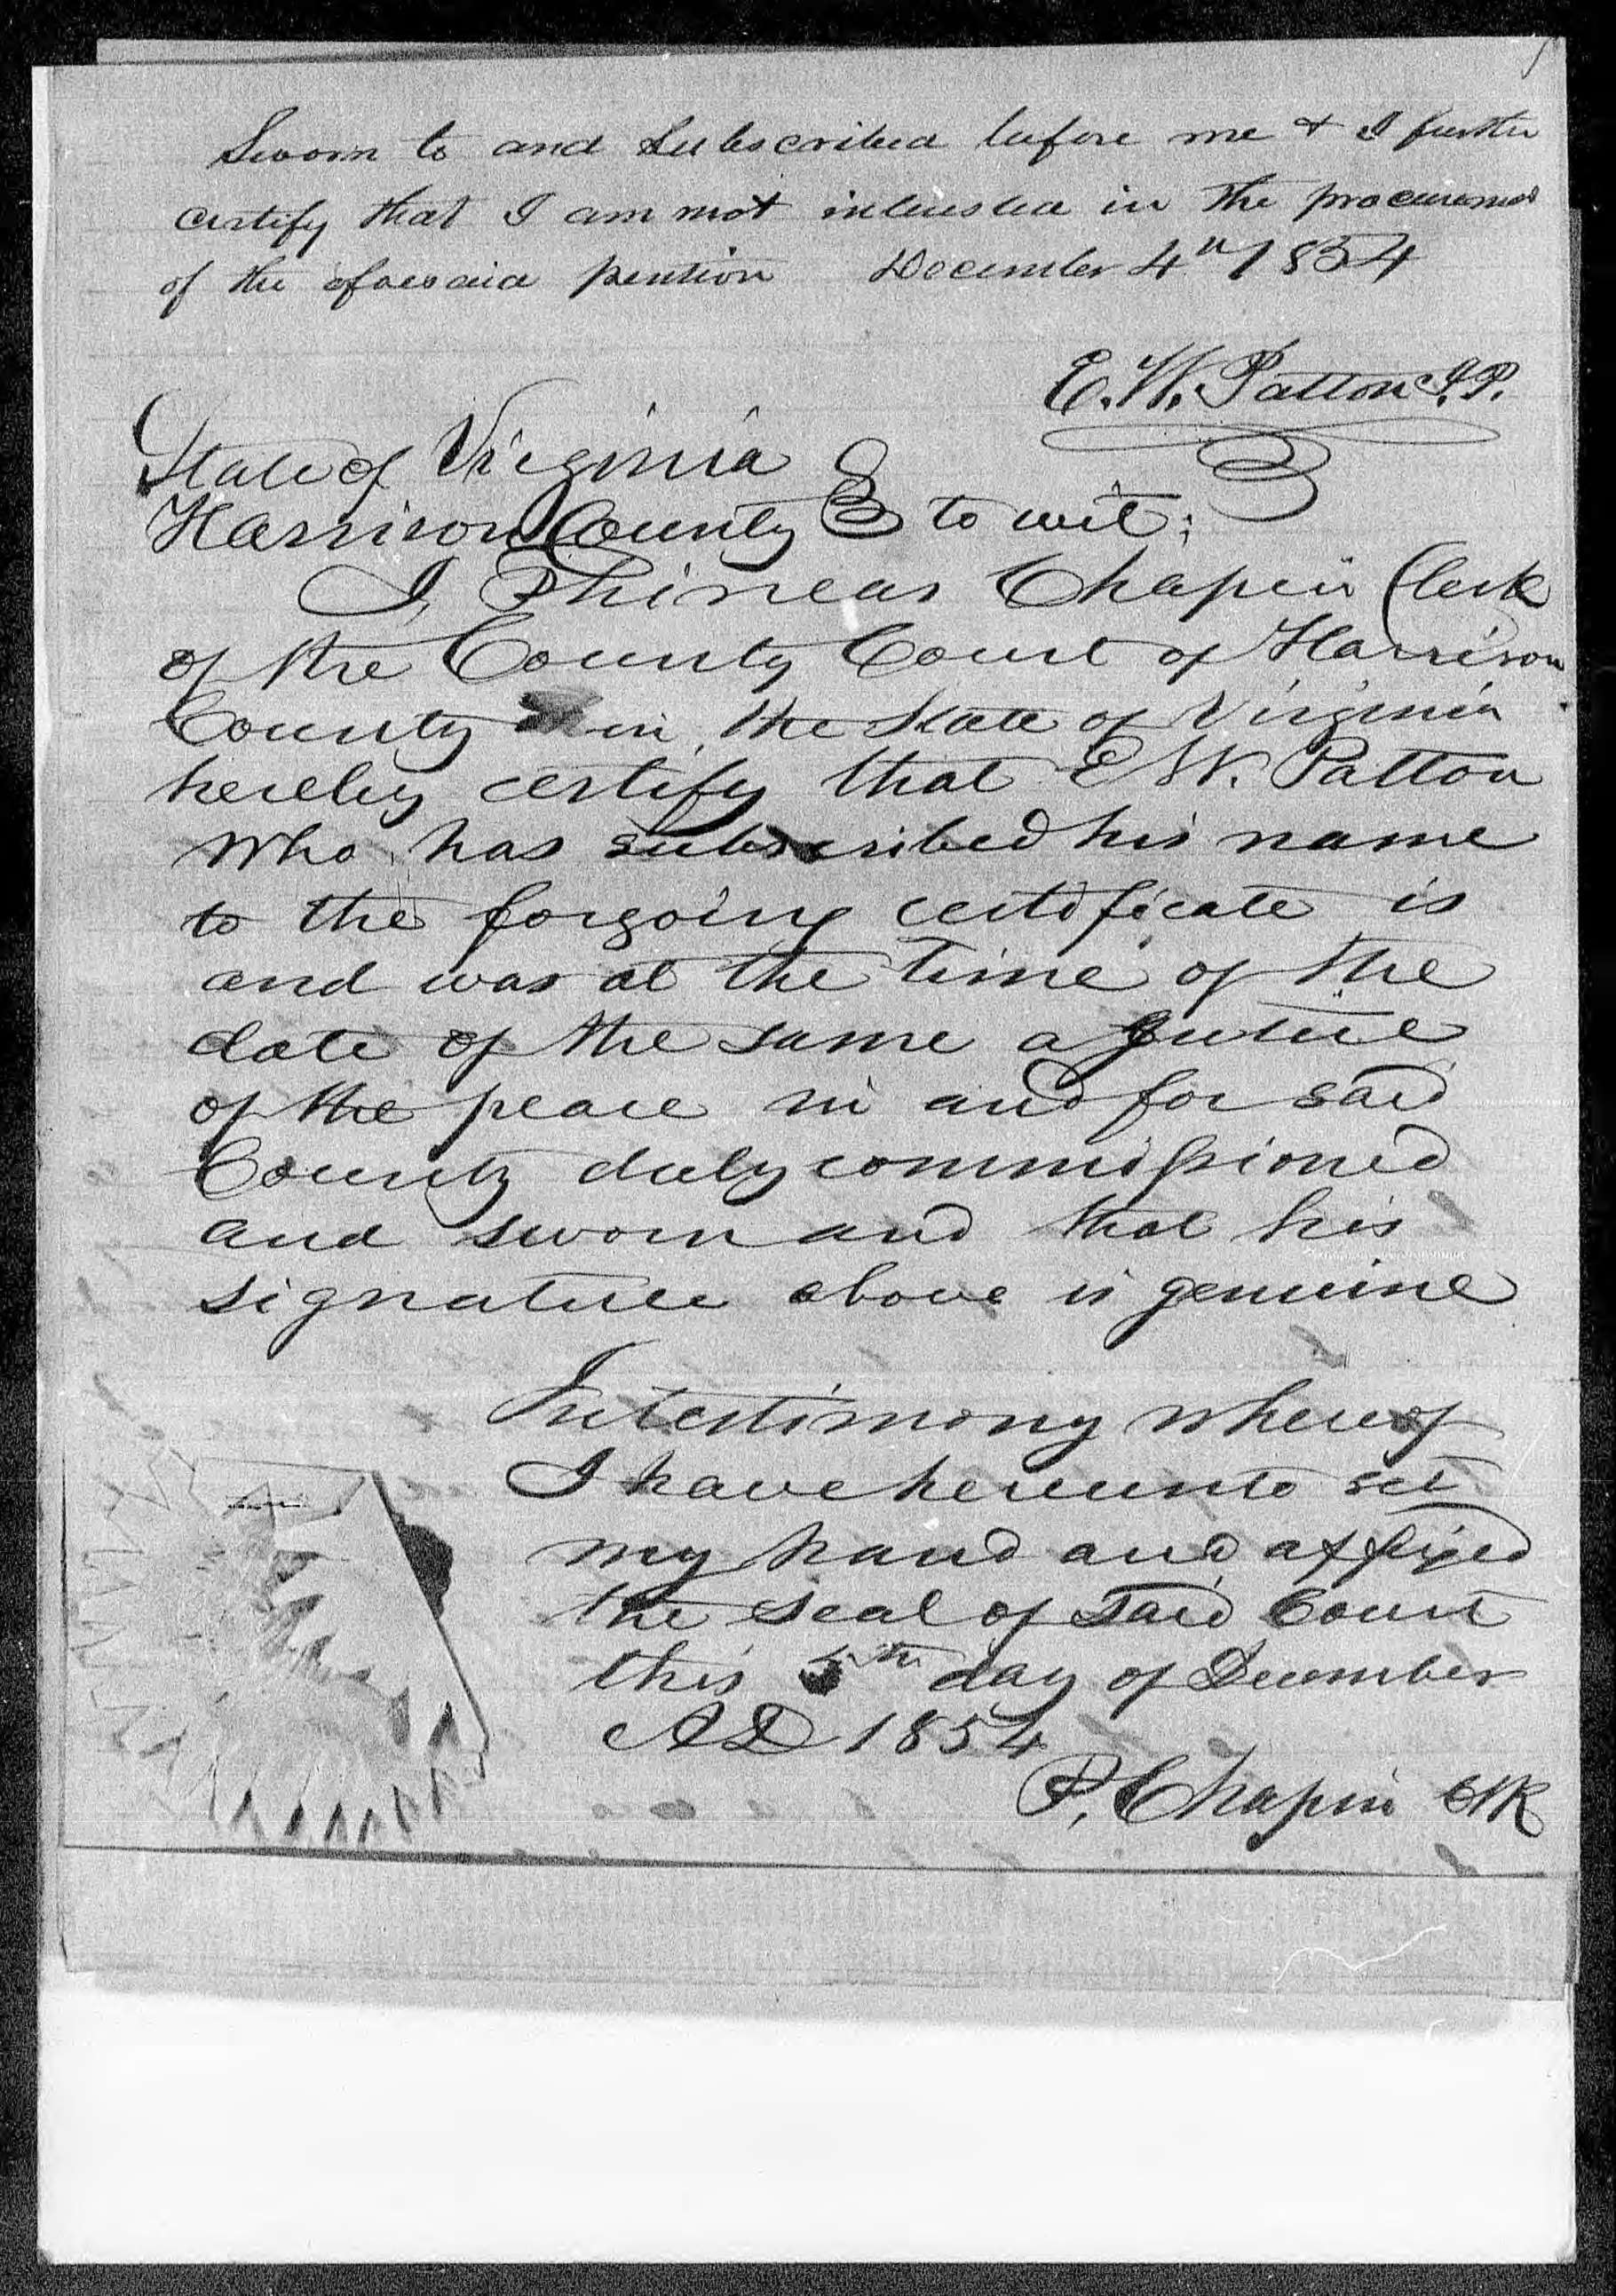Sworn to and subscribed before me & I further
certify that I am not interested in the procurement
of the aforesaid pention December 4th 1854
E. W. Patton J.P.
State of Virginia
Harrison County
I, Phineas Chapin Clerk 
of the County Court of Harrison
County in the State of Virginia
hereby certify that E.W. Patton
who has subscribed his name
to the forgoing certificate is
and was at the time of the
date of the same a Justice
of the peace in and for said
County duly commissioned
and sworn and that his 
signature above is genuine
Intestimony whereof
I have hereunto set
my hand and affixed
the seal of said Court
this 5th day of December
AD 1854
P. Chapin Clk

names: Phineas Chapin, P Chapin, E W Patton, E W Patton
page: 4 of 21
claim: rejected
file: R. 1,907, Joseph Cheuvront, Va.